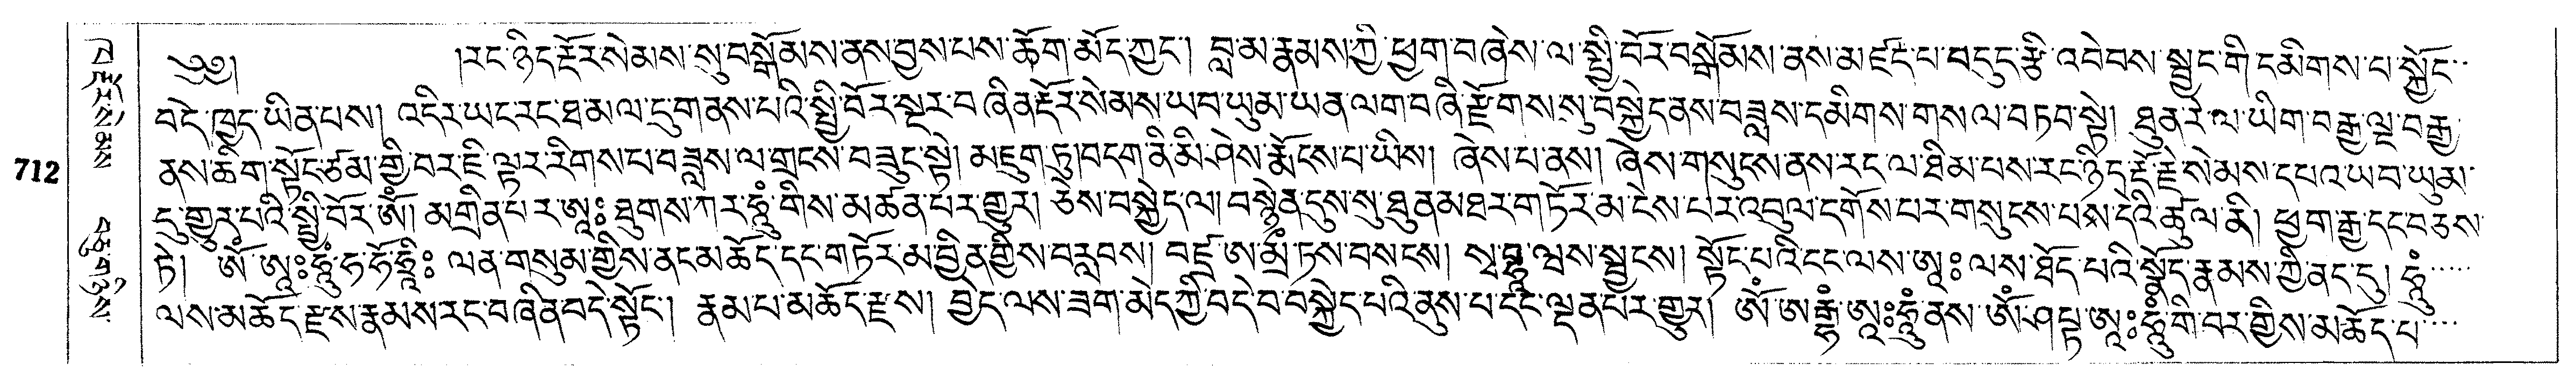༄༅། །རང་ཉིད་རྡོར་སེམས་སུ་བསྒོམས་ནས་བྱས་པས་ཆོག་མོད་ཀྱང་། བླ་མ་རྣམས་ཀྱི་ཕྱག་བཞེས་ལ་སྤྱི་བོར་བསྒོམས་ནས་མཛད་པ་བདུད་རྩི་འབེབས་སྦྱང་གི་དམིགས་པ་སྐྱོང་
བདེ་ཁྱད་ཡིན་པས། འདིར་ཡང་རང་ཐ་མལ་དུ་གནས་པའི་སྤྱི་བོར་སྔར་བཞིན་རྡོར་སེམས་ཡབ་ཡུམ་ཡན་ལག་བཞི་རྫོགས་སུ་བསྐྱེད་ནས་བཟླས་དམིགས་གསལ་བཏབ་སྟེ། ཐུན་རེ་ལ་ཡིག་བརྒྱ་ལྔ་བརྒྱ་
ནས་ཚིག་སྟོང་ཙམ་གྱི་བར་ཇི་ལྟར་རིགས་པ་བཟླས་ལ་གྲངས་བཟུང་སྟེ། མཇུག་ཏུ། བདག་ནི་མི་ཤེས་རྨོངས་པ་ཡིས། ཞེས་པ་ནས། ཞེས་གསུངས་ནས་རང་ལ་ཐིམ་པས་རང་ཉིད་རྡོ་རྗེ་སེམས་དཔའ་ཡབ་ཡུམ་
དུ་གྱུར་པའི་སྤྱི་བོར་ཨོཾ། མགྲིན་པར་ཨཱཿ ཐུགས་ཀར་ཧཱུཾ་གིས་མཚན་པར་གྱུར། ཅེས་བསྐྱེད་ལ། བསྙེན་དུས་སུ་ཐུན་མཐར་གཏོར་མ་ངེས་པར་འབུལ་དགོས་པར་གསུངས་པས་དེའི་ཚུལ་ནི། ཕྱག་རྒྱ་དང་བཅས་
ཏེ། ཨོཾ་ཨཱཿ ཧཱུཾ་ཧ་ཧོ་ཧྲཱིཿ ལན་གསུམ་གྱིས་ནང་མཆོད་དང་གཏོར་མ་བྱིན་གྱིས་བརླབས། བཛྲ་ཨ་མྲྀ་ཏས་བསངས། སྭ་བྷཱ་ཝས་སྦྱངས། སྟོང་པའི་ངང་ལས་ཨཱཿ ལས་ཐོད་པའི་སྣོད་རྣམས་ཀྱི་ནང་དུ། ཧཱུཾ་
ལས་མཆོད་རྫས་རྣམས་རང་བཞིན་བདེ་སྟོང་། རྣམ་པ་མཆོད་རྫས། བྱེད་ལས་ཟག་མེད་ཀྱི་བདེ་བ་བསྐྱེད་པའི་ནུས་པ་དང་ལྡན་པར་གྱུར། ཨོཾ་ཨརྒྷཾ་ཨཱཿ ཧཱུཾ་ནས་ཨོཾ་ཤཔྟ་ཨཱཿ ཧཱུཾ་གི་བར་གྱིས་མཆོད་པ་